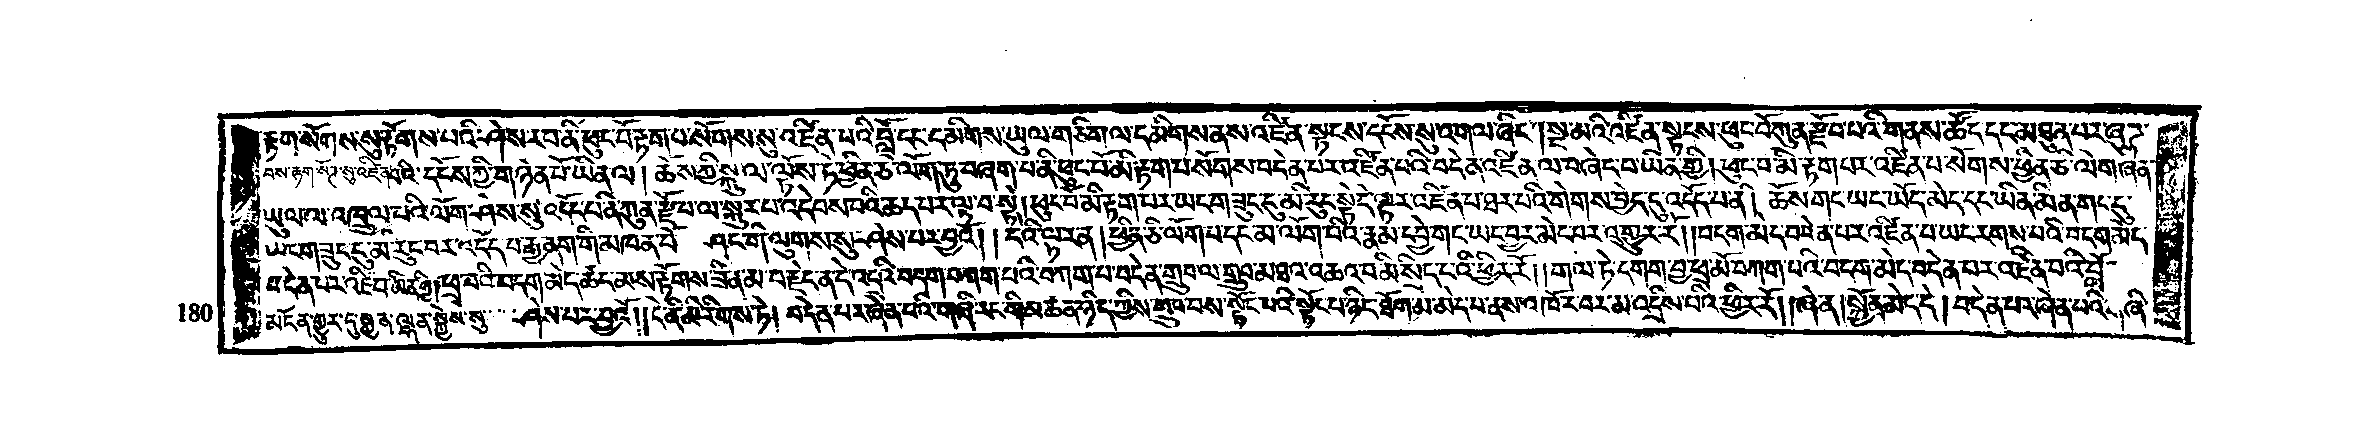རྟག་སོགས་སུ་རྟོགས་པའི་ཤེས་རབ་ནི་ཕུང་པོ་རྟག་པ་སོགས་སུ་འཛིན་པའི་བློ་དང་དམིགས་ཡུལ་གཅིག་ལ་དམིགས་ནས་འཛིན་སྟངས་དངོས་སུ་འགལ་ཞིང་། སྔ་མའི་འཛིན་སྟངས་ཕུང་པོ་ཀུན་རྫོབ་པའི་གནས་ཚོད་དང་མཐུན་པར་ཞུགས་
པས་རྟག་སོགས་སུ་འཛིན་པའི་དངོས་ཀྱི་གཉེན་པོ་ཡིན་ལ། ཆོས་ཀྱི་སྐུ་ལ་ལྟོས་ཏེ་ཕྱིན་ཅི་ལོག་ཏུ་བཞག་པ་ནི་ཕུང་པོ་མི་རྟག་པ་སོགས་བདེན་པར་འཛིན་པའི་བདེན་འཛིན་ལ་བཞེད་པ་ཡིན་གྱི་།ཕུང་བ་མི་རྟག་པར་འཛིན་པ་སོགས་ཕྱིན་ཅི་ལོག་གཞན་
ཡུལ་ལ་འཁྲུལ་པའི་ལོག་ཤེས་སུ་འདོད་པ་ནི་ཀུན་རྫོ་པ་ལ་སྐུར་བ་འདེབས་པའི་ཆད་པར་ལྟ་བ་སྟེ། ཕུང་པོ་མི་རྟག་པར་ཡང་གཟུང་དུ་མི་རུང་སྟེ་དེ་ལྟར་འཛིན་པ་ཐར་པའི་གེགས་བྱེད་དུ་འདོད་པ་ནི། ཆོས་གང་ཡང་ཡོད་མེད་དང་ཡིན་མིན་གང་དུ་
ཡང་གཟུང་དུ་མི་རུང་བར་འདོད་པ་རྒྱ་ནག་གི་མཁན་པོ་ཤང་གི་ལུགས་སུ་ཤེས་པར་བྱའོ། །དེའི་ལྟར་ན། ཕྱིན་ཅི་ལོག་པ་དང་མ་ལོག་པའི་རྣམ་དབྱེ་གང་ཡང་བྱར་མེད་པར་འགྱུར་རོ། །བདག་མེད་པ་བེན?་པར་འཛིན་པ་ཡང་རགས་པའི་བདག་མེད་
བདེན་པར་འཛི་པ་མིན་གྱི་།ཕྲ་བའི་བདག་མེད་ཚད་མས་རྟོགས་ཟིན་མ་བརྗེད་ན་དེ་འདྲའི་བདག་བཀག་པའི་བཀག་པ་བདེན་གྲུབ་ལ་གྲུབ་མཐའ་འཆའ་བས་མི་སྲིད་པའི་ཕྱིར་རོ། །གལ་ཏེ་དགག་བྱ་ཕྲ་མོ་བཀག་པའི་བདག་མེད་བདེན་པར་འཛིན་པའི་བློ་
མངོན་གྱུར་དུ་སྐྱན་ལྷན་སྐྱེས་སུ་ཤེས་པར་བྱའོ། །དེ་ནི་མི་རིགས་ཏེ། བདེན་པར་ཞེན་པའི་གཞི་རང་གི་མཚན་ཉིད་ཀྱིས་གྲུབ་པས་སྟོང་པའི་སྟོང་པ་ཉིད་ཐོག་མ་མེད་པ་ནས་འཁོར་བར་མ་འདྲིས་པའི་ཕྱིར་རོ། །ཞེ་ན། སྐྱོན་མེད་དེ། བདེན་པར་ཞེན་པའི་གཞི་